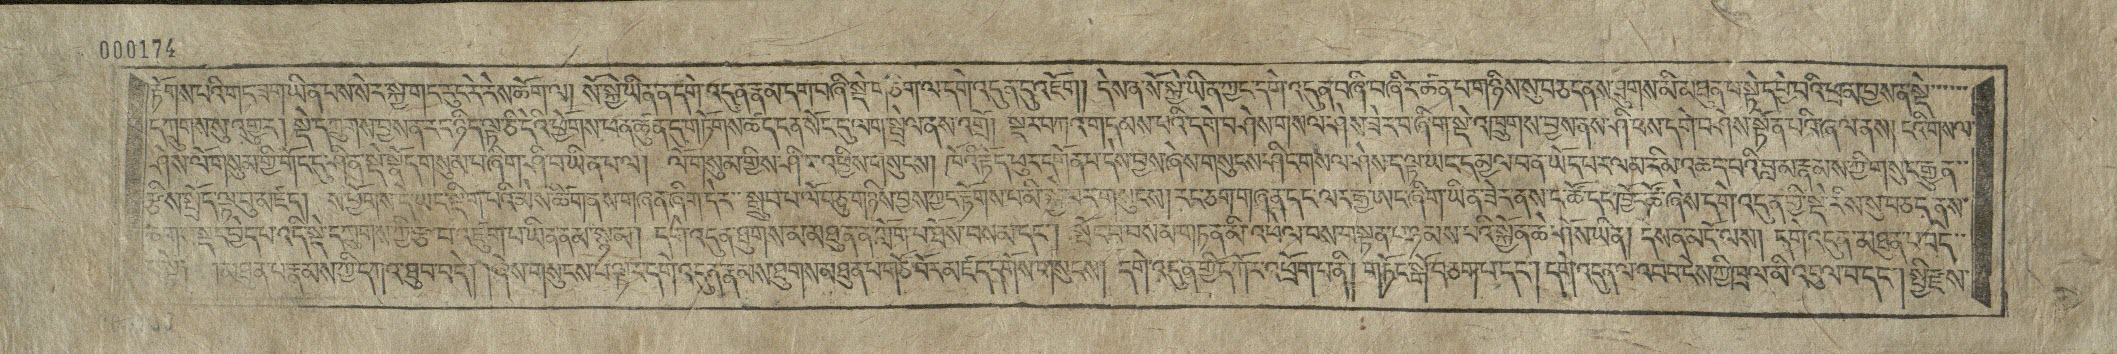རྟོགས་པའི་གང་ཟག་ཡིན་པས་སེར་སྐྱ་གང་རུང་རེ་རེས་ཆོག་ལ། སོ་སྐྱེ་ཡིན་ན་དགེ་འདུན་རྣམ་དག་བཞི་སྡེ་གཅིག་ལ་དགེ་འདུན་དུ་འཇོག །དེས་ན་སོ་སྐྱེ་ཡིན་ཀྱང་དགེ་འདུན་བཞི་བཞིར་ཚན་པ་གཉིས་སུ་བཅད་ནས་ཐུགས་མི་མཐུན་པ་སྟེ་དབྱེ་བའི་ཕྲ་མ་བྱས་ན་སྡེ་
དཀྲུགས་སུ་འགྱུར། སྡེ་དཀྲུགས་བྱས་ན་རང་ཉིད་ལྟ་ཅི་དེའི་ཕྱོགས་ཕན་ཚུན་དུ་གཏོགས་ཚད་ངན་སོང་དུ་ལག་སྦྲེལ་ནས་འགྲོ། སྔར་བཀའ་གདམས་པའི་དགེ་བཤེས་གསལ་ཤེས་ཟེར་བ་ཞིག་སྡེ་འཁྲུགས་བྱས་ནས་ཤི་བས་དགེ་བཤེས་སྟོན་པའི་ཞལ་ནས། ངའི་གསལ་
ཤེས་ལོ་གསུམ་གྱི་གོང་དུ་ཤི་ན་སྡེ་སྣོད་གསུམ་པ་ཞིག་ཤི་བ་ཡིན་པ་ལ། ལོ་གསུམ་གྱིས་ཤི་བ་འཕྱིས་གསུངས། ཁོའི་རྟོད་ཕུར་དགོན་པ་དེས་བྱས་ཞེས་གསུངས་ཤིང་གསལ་ཤེས་ད་ལྟ་ཡང་དམྱལ་བ་ན་ཡོད་པར་ལམ་རིམ་འཆད་པའི་བླ་མ་རྣམས་ཀྱི་གསུང་རྒྱུན་
རྩིས་སྤྲོད་ལྟ་བུ་མཛད། ས་ཕྱོགས་དེ་ཡང་སྡིག་པའི་མེས་ཚིག་ནས་གཞན་ཞིག་དེར་སྒྲུབ་པ་ལོ་བཅུ་གཉིས་བྱས་ཀྱང་རྟོགས་པ་མི་སྐྱེ་བར་གསུངས། རང་ཅག་གཞན་དང་ལར་རྒྱ་ཨང་ཞིག་ཡིན་ཟེར་ནས་ང་ཚོ་དང་ཁྱོད་ཚོ་ཞེས་དགེ་འདུན་གྱི་སྡེ་རིས་སུ་བཅད་ནས་
ཆགས་སྡང་བྱེད་པ་འདི་སྡེ་དཀྲུགས་ཀྱི་རྩ་བ་འཛུག་པ་ཡིན་ནམ་སྙམ། དགེ་འདུན་ཐུགས་མ་མཐུན་ན་ཀློག་པ་ཐོས་བསམ་དང་། སྤོང་བ་བསམ་གཏན་མི་འཕེལ་བས་བསྟན་པ་ཉམས་པའི་སྐྱོན་ཆེ་ཤོས་ཡིན། དེས་ན་མདོ་ལས། དགེ་འདུན་མཐུན་པ་བདེ་
བ་སྟེ། །མཐུན་པ་རྣམས་ཀྱི་དཀའ་ཐུབ་བདེ། །ཞེས་གསུངས་པ་ལྟར་དགེ་འདུན་རྣམས་ཐུགས་མཐུན་པ་གཙོ་བོར་མཛད་དགོས་གསུངས། དགེ་འདུན་གྱི་དཀོར་འཕྲོག་པ་ནི། གཏོང་སྒོ་བཅག་པ་དང་། དགེ་འདུན་ལ་འབབ་ངེས་ཀྱི་ཁྲལ་མི་འབུལ་བ་དང་། སྤྱི་རྫས་